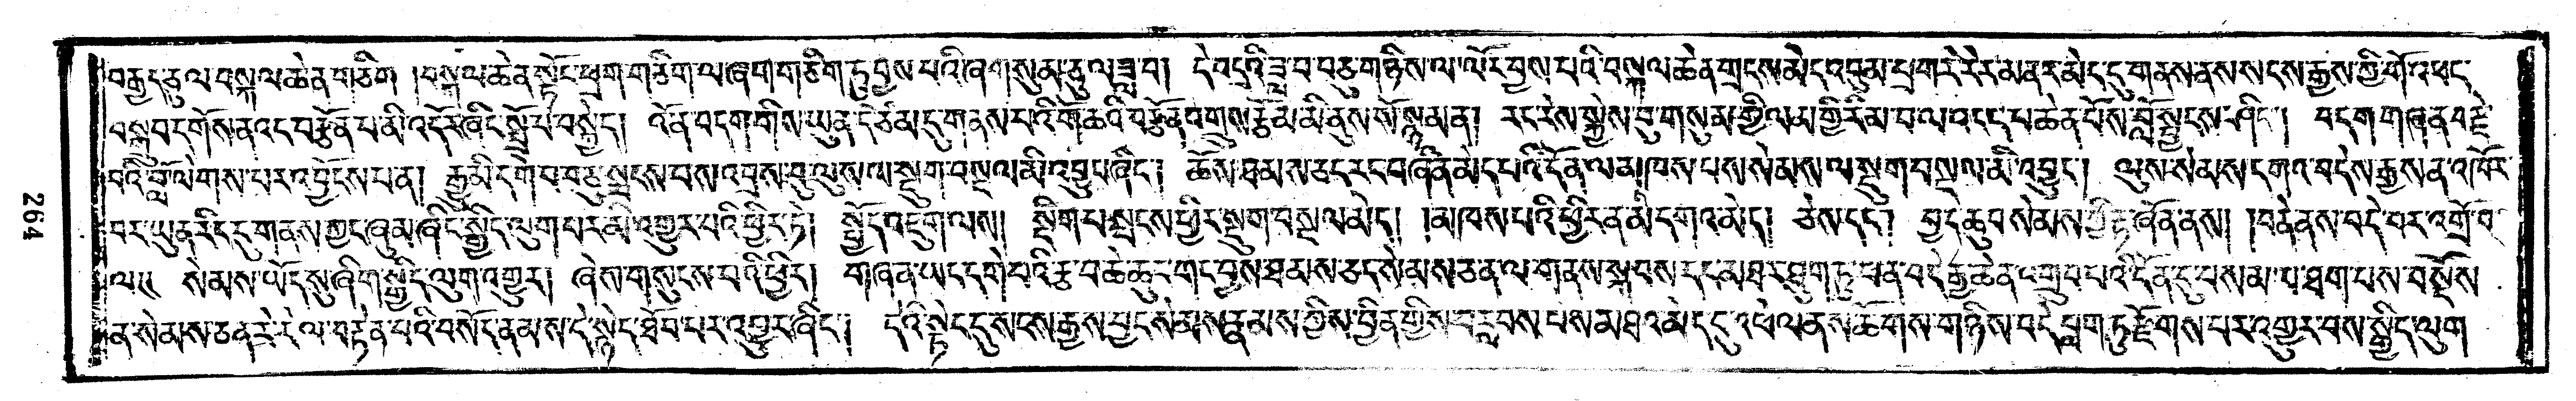བརྒྱད་ཅུལ་བསྐལ་ཆེན་གཅིག །བསྐལ་ཆེན་སྟོང་ཕྲག་གཅིག་ལ་ཞག་གཅིག་ཏུ་བྱས་པའི་ཞག་སུམ་ཅུ་ལ་ཟླ་བ། དེ་འདྲའི་ཟླ་བ་བཅུ་གཉིས་ལ་ལོར་བྱས་པའི་བསྐལ་ཆེན་གྲངས་མེད་འབུམ་ཕྲག་རེ་རེར་མནར་མེད་དུ་གནས་ནས་སངས་རྒྱས་ཀྱི་གོ་འཕང་
བསྒྲུབ་དགོས་ནའང་བརྩོན་པ་མི་འདོར་ཞིང་སྤྲོ་བ་བསྐྱེད། འོ་ན་བདག་གིས་ཡུན་དེ་ཙམ་དུ་གནས་པའི་གོ་ཆའི་བརྩོན་འགྲུས་རྩོམ་མི་ནུས་སོ་སྙམ་ན། རང་རེས་སྐྱེས་བུ་གསུམ་གྱི་ལམ་གྱི་རིམ་བ་ལའང་དད་པ་ཆེན་པོས་བློ་སྦྱངས་ཤིང་། བདག་གཞན་བརྗེ་
བའི་བློ་ལེགས་པར་འབྱོངས་པ་ན། རྒྱུ་མི་དགེ་བ་བཅུ་སྦངས་བས་འབྲས་བུ་ལུས་ལ་སྡུག་བསྔལ་མི་འབྱུང་ཞིང་། ཆོས་ཐམས་ཅད་རང་བཞིན་མེད་པའི་དོན་ལ་མཁས་པས་སེམས་ལ་སྡུག་བསྔལ་མི་འབྱུང་། ལུས་སེམས་དགའ་བདེས་རྒྱས་ན་འཁོར་
བར་ཡུན་རིང་དུ་གནས་ཀྱང་ཞུམ་ཞིང་སྒྱིད་ལུག་པར་མི་འགྱུར་པའི་ཕྱིར་ཏེ། སྤྱོད་འཇུག་ལས། སྡིག་པ་སྤངས་ཕྱིར་སྡུག་བསྔལ་མེད། །མཁས་པའི་ཕྱིར་ན་མི་དགའ་མེད། ཅེས་དང་། བྱང་ཆུབ་སེམས་ཀྱི་རྟ་ཞོན་ནས། །བྣེ་ནས་བདེ་བར་འགྲོ་བ་
ལ༑༑ སེམས་ཡོད་སུ་ཞིག་སྒྱིད་ལུག་འགྱུར། ཞེས་གསུངས་བའི་ཕྱིར། གཞན་ཡང་དགེ་བའི་རྩ་བ་ཆེ་ཆུང་གང་བྱས་ཐམས་ཅད་སེམས་ཅན་ལ་གནས་སྐབས་དང་མཐར་ཐུག་ཏུ་ཕན་བདེ་རྒྱ་ཆེན་འགྲུབ་པའི་དོན་དུ་བསམ་པ་ཐག་པས་བསྔོས་
ན་སེམས་ཅན་རེ་རེ་ལ་བརྟེན་པའི་བསོད་ནམས་དེ་སྙེད་ཐོབ་པར་འབྱུང་ཞིང་། དེའི་སྟེང་དུ་སངས་རྒྱས་བྱང་སེམས་རྣམས་ཀྱིས་བྱིན་གྱིས་བརླབས་པས་མཐའ་མེད་དུ་འཕེལ་ནས་ཆོགས་གཉིས་བདེ་བླག་ཏུ་རྫོགས་པར་འགྱུར་བས་སྒྱིད་ལུག་